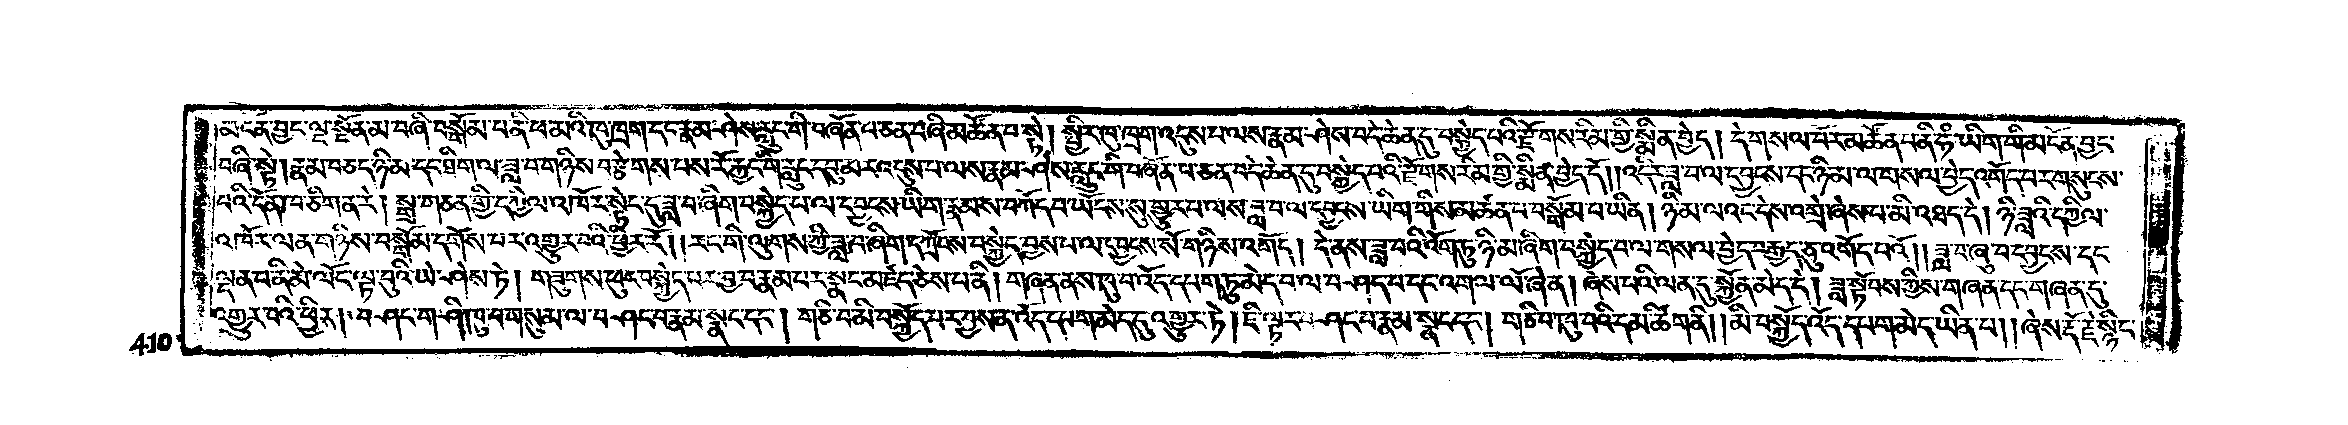མངོན་བྱང་ལྔ་སྔོན་མ་བཞི་བསྒོམ་པ་ནི་ཕ་མའི་ཁུ་ཁྲག་དང་རྣམ་ཤེས་རླུང་གི་བཞོན་པ་ཅན་བཞི་མཚོན་པ་སྟེ། སྤྱིར་ཁུ་ཁྲག་འདུས་པ་ལས་རྣམ་ཤེས་བདེ་ཆེན་དུ་བསྐྱེད་པའི་རྫོགས་རིམ་གྱི་སྨིན་བྱེད། དེ་གསལ་པོར་མཚོན་པ་ནི་ཧཾ་ཡིག་གི་མངོན་བྱང་
བཞི་སྟེ། རྣམ་བཅད་ཉི་མ་དང་ཐིག་ལ་ཟླ་བ་གཉིས་བརྩེགས་པས་རོ་རྐྱང་གི་རླུང་དབུ་མར་འདུས་པ་ལས་རྣམ་ཤེས་རླུང་གི་བཞོན་པ་ཅན་བདེ་ཆེན་དུ་བསྐྱེད་པའི་རྫོགས་རིམ་གྱི་སྨིན་བྱེད་དོ། །འདིར་ཟླ་བ་ལ་དབྱངས་དང་ཉི་མ་ལ་གསལ་བྱེད་འགོད་པར་གསུངས་
པའི་དོན་ཁ་ཅིག་ན་རེ། སྒྲ་གཅན་གྱི་དཀྱིལ་འཁོར་སྟེང་དུ་ཟླ་བ་ཞིག་བསྐྱེད་པ་ལ་དབྱངས་ཡིག་རྣམས་བཀོད་པ་ཡོངས་སུ་གྱུར་པ་ལས་ཟླ་བ་ལ་དབྱངས་ཡིག་གིས་མཚན་པ་བསྒོམ་པ་ཡིན། ཉི་མ་ལའང་དེས་འགྲེ་ཞེས་པ་མི་འཐད་དེ། ཉི་ཟླའི་དཀྱིལ་
འཁོར་ལན་གཉིས་བསྒོམ་དགོས་པར་འགྱུར་བའི་ཕྱིར་རོ། །རང་གི་ལུགས་ཀྱི་ཟླ་བ་ཞིག་དཀྲོངས་བསྐྱེད་བྱས་པ་ལ་དབྱངས་སོ་གཉིས་འགོད། དེ་ནས་ཟླ་བའི་འོག་ཏུ་ཉི་མ་ཞིག་བསྐྱེད་པ་ལ་གསལ་བྱེད་བརྒྱད་ཅུ་འགོད་པའོ། །ཟླ་བ་ཞུ་བ་དབྱངས་དང་
ལྡན་པ་ནི་མེ་ལོང་ལྟ་བུའི་ཡེ་ཤེས་ཏེ། གཟུགས་ཕུང་བསྐྱེད་པར་བྱ་བ་རྣམ་པར་སྣང་མཛད་ཅེས་པ་ནི། གཞན་ནས་ཁུ་བ་འོད་དཔག་ཏུ་མེད་པ་ལ་བཤད་པ་དང་འགལ་ལོ་ཞེ་ན། ཞེས་པའི་ལན་དུ་སྐྱོན་མེད་དེ། ཟླ་སྟོབས་ཀྱིས་གཞན་དང་གཞན་དུ་
འགྱུར་བའི་ཕྱིར། བཤད་གཤི་ཁུ་བ་གསུམ་ལ་བཤད་པ་རྣམ་སྣང་དང་། གཅི་བ་མི་བསྐྱོད་པར་བྱས་ན་འོད་དཔག་མེད་དུ་འགྱུར་ཏེ། ཇི་ལྟར་བཤད་པ་རྣམ་སྣང་དང་། གཅི་བ་ཁུ་བའི་དམ་ཚིག་ནི། །མི་བསྐྱོད་འོད་དཔག་མེད་ཡིན་པ། །ཞེས་རྡོ་རྗེ་སྙིང་